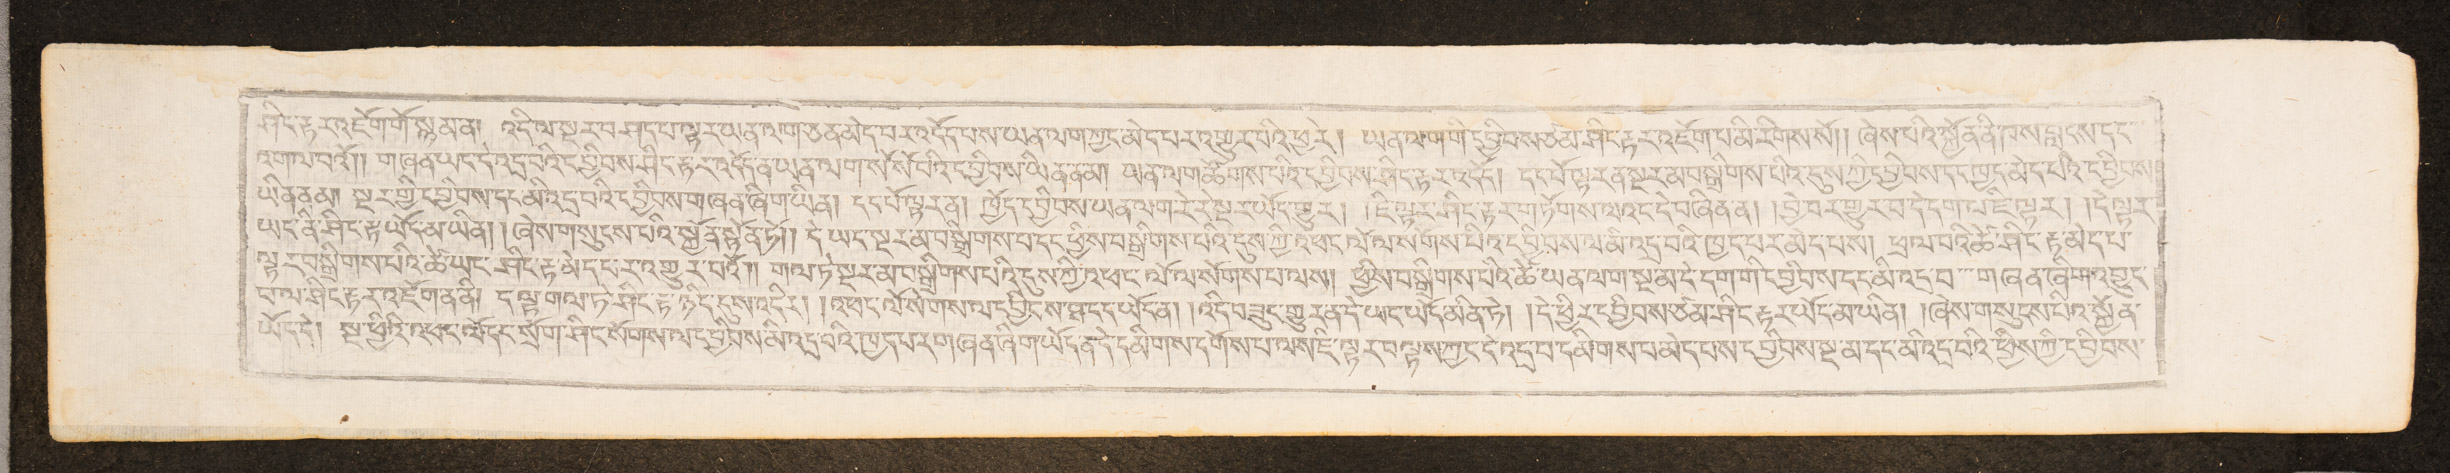ཤིང་རྟར་འཇོག་གོ་སྙམ་ན། འདི་ལ་སྔར་བཤད་པ་ལྟར་ཡན་ལག་ཅན་མེད་པར་འདོད་པས་ཡན་ལག་ཀྱང་མེད་པར་འགྱུར་བའི་ཕྱིར། ཡན་ལག་གི་དབྱིབས་ཙམ་ཤིང་རྟར་འཇོགས་པ་མི་རིགས་སོ།། ཞེས་པའི་སྐྱོན་ནི་ཁས་བླངས་དང་
འགལ་བའོ།། གཞན་ཡང་དེ་འདྲ་བའི་དབྱིབས་ཤིང་རྟར་འདོད་ན་ཡན་ལག་སོ་སོ་བའི་དབྱིབས་ཡིན་ནམ། ཡན་ལག་ཚོགས་པའི་དབྱིབས་ཤིང་རྟར་འདོད། དང་པོ་ལྟར་ན་སྔར་མ་བསྒྲིགས་པའི་དུས་ཀྱི་དབྱིབས་དང་ཁྱད་མེད་པའི་དབྱིབས་
ཡིན་ནམ། སྔར་གྱི་དབྱིབས་དང་མི་འདྲ་བའི་དབྱིབས་གཞན་ཞིག་ཡིན། དང་པོ་ལྟར་ན། ཁྱོད་དབྱིབས་ཡན་ལག་རེ་རེ་སྔར་ཡོད་གྱུར། །ཇི་ལྟར་ཤིང་རྟར་གཏོགས་ལའང་དེ་བཞིན་ན། །བྱེ་བར་གྱུར་བ་དེ་དག་ལ་ཇི་ལྟར། །དེ་ལྟར་
ཡང་ནི་ཤིང་རྟ་ཡོད་མ་ཡིན། །ཞེས་གསུངས་པའི་སྐྱོན་སྟོན་ཏོ། །དེ་ཡང་སྔར་མ་བསྒྲིགས་པ་དང་ཕྱིས་བསྒྲིགས་པའི་དུས་ཀྱི་འཕང་པོ་ལ་སོགས་པའི་དབྱིབས་ལ་མ་འདྲ་བའི་ཁྱད་པར་མེད་པས། ཕྲལ་བའི་ཚེ་ཤིང་རྟ་མེད་པ་
ལྟར་བསྒྲིགས་པའི་ཚེ་ཡང་ཤིང་རྟ་མེད་པར་འགྱུར་བའོ།། གལ་ཏེ་སྔར་མ་བསྒྲིགས་པའི་དུས་ཀྱི་འཕང་ལོ་ལ་སོགས་པ་ལས། ཕྱིས་བསྒྲིགས་པའི་ཚེ་ཡན་ལག་སྔ་མདེ་དག་གི་དབྱིབས་དང་མི་འདྲ་བ་གཞན་ཞིག་འབྱུང་
པ་ལ་ཤིང་རྟར་འཇོག་ན་ནི། ད་ལྟ་གལ་ཏེ་ཤིང་རྟ་ཉིད་དུས་འདིར། །འཕང་ལོ་སོགས་ལ་དབྱིབས་ཐ་དད་ཡོད་ན། །འདི་བཟུང་གྱུར་ན་དེ་ཡང་ཡོད་མིན་ཏེ། །དེ་ཕྱིར་དབྱིབས་ཙམ་ཤིང་རྟར་ཡོད་མ་ཡིན། །ཞེས་གསུངས་པའི་སྐྱོན་
ཡོད་དེ། སྔ་ཕྱིའི་འཕང་ལོ་དང་སྲོག་ཤིང་སོགས་ལ་དབྱིབས་མི་འདྲ་བའི་ཁྱད་པར་གཞན་ཞིག་ཡོད་ན་དེ་དམིགས་དགོས་པ་ལས་ཇི་ལྟར་བལྟས་ཀྱང་ད་འདྲ་བ་དམིགས་པ་མེད་པས་དབྱིབས་སྔ་མ་དང་མི་འདྲ་བའི་ཕྱིས་ཀྱི་དབྱིབས་